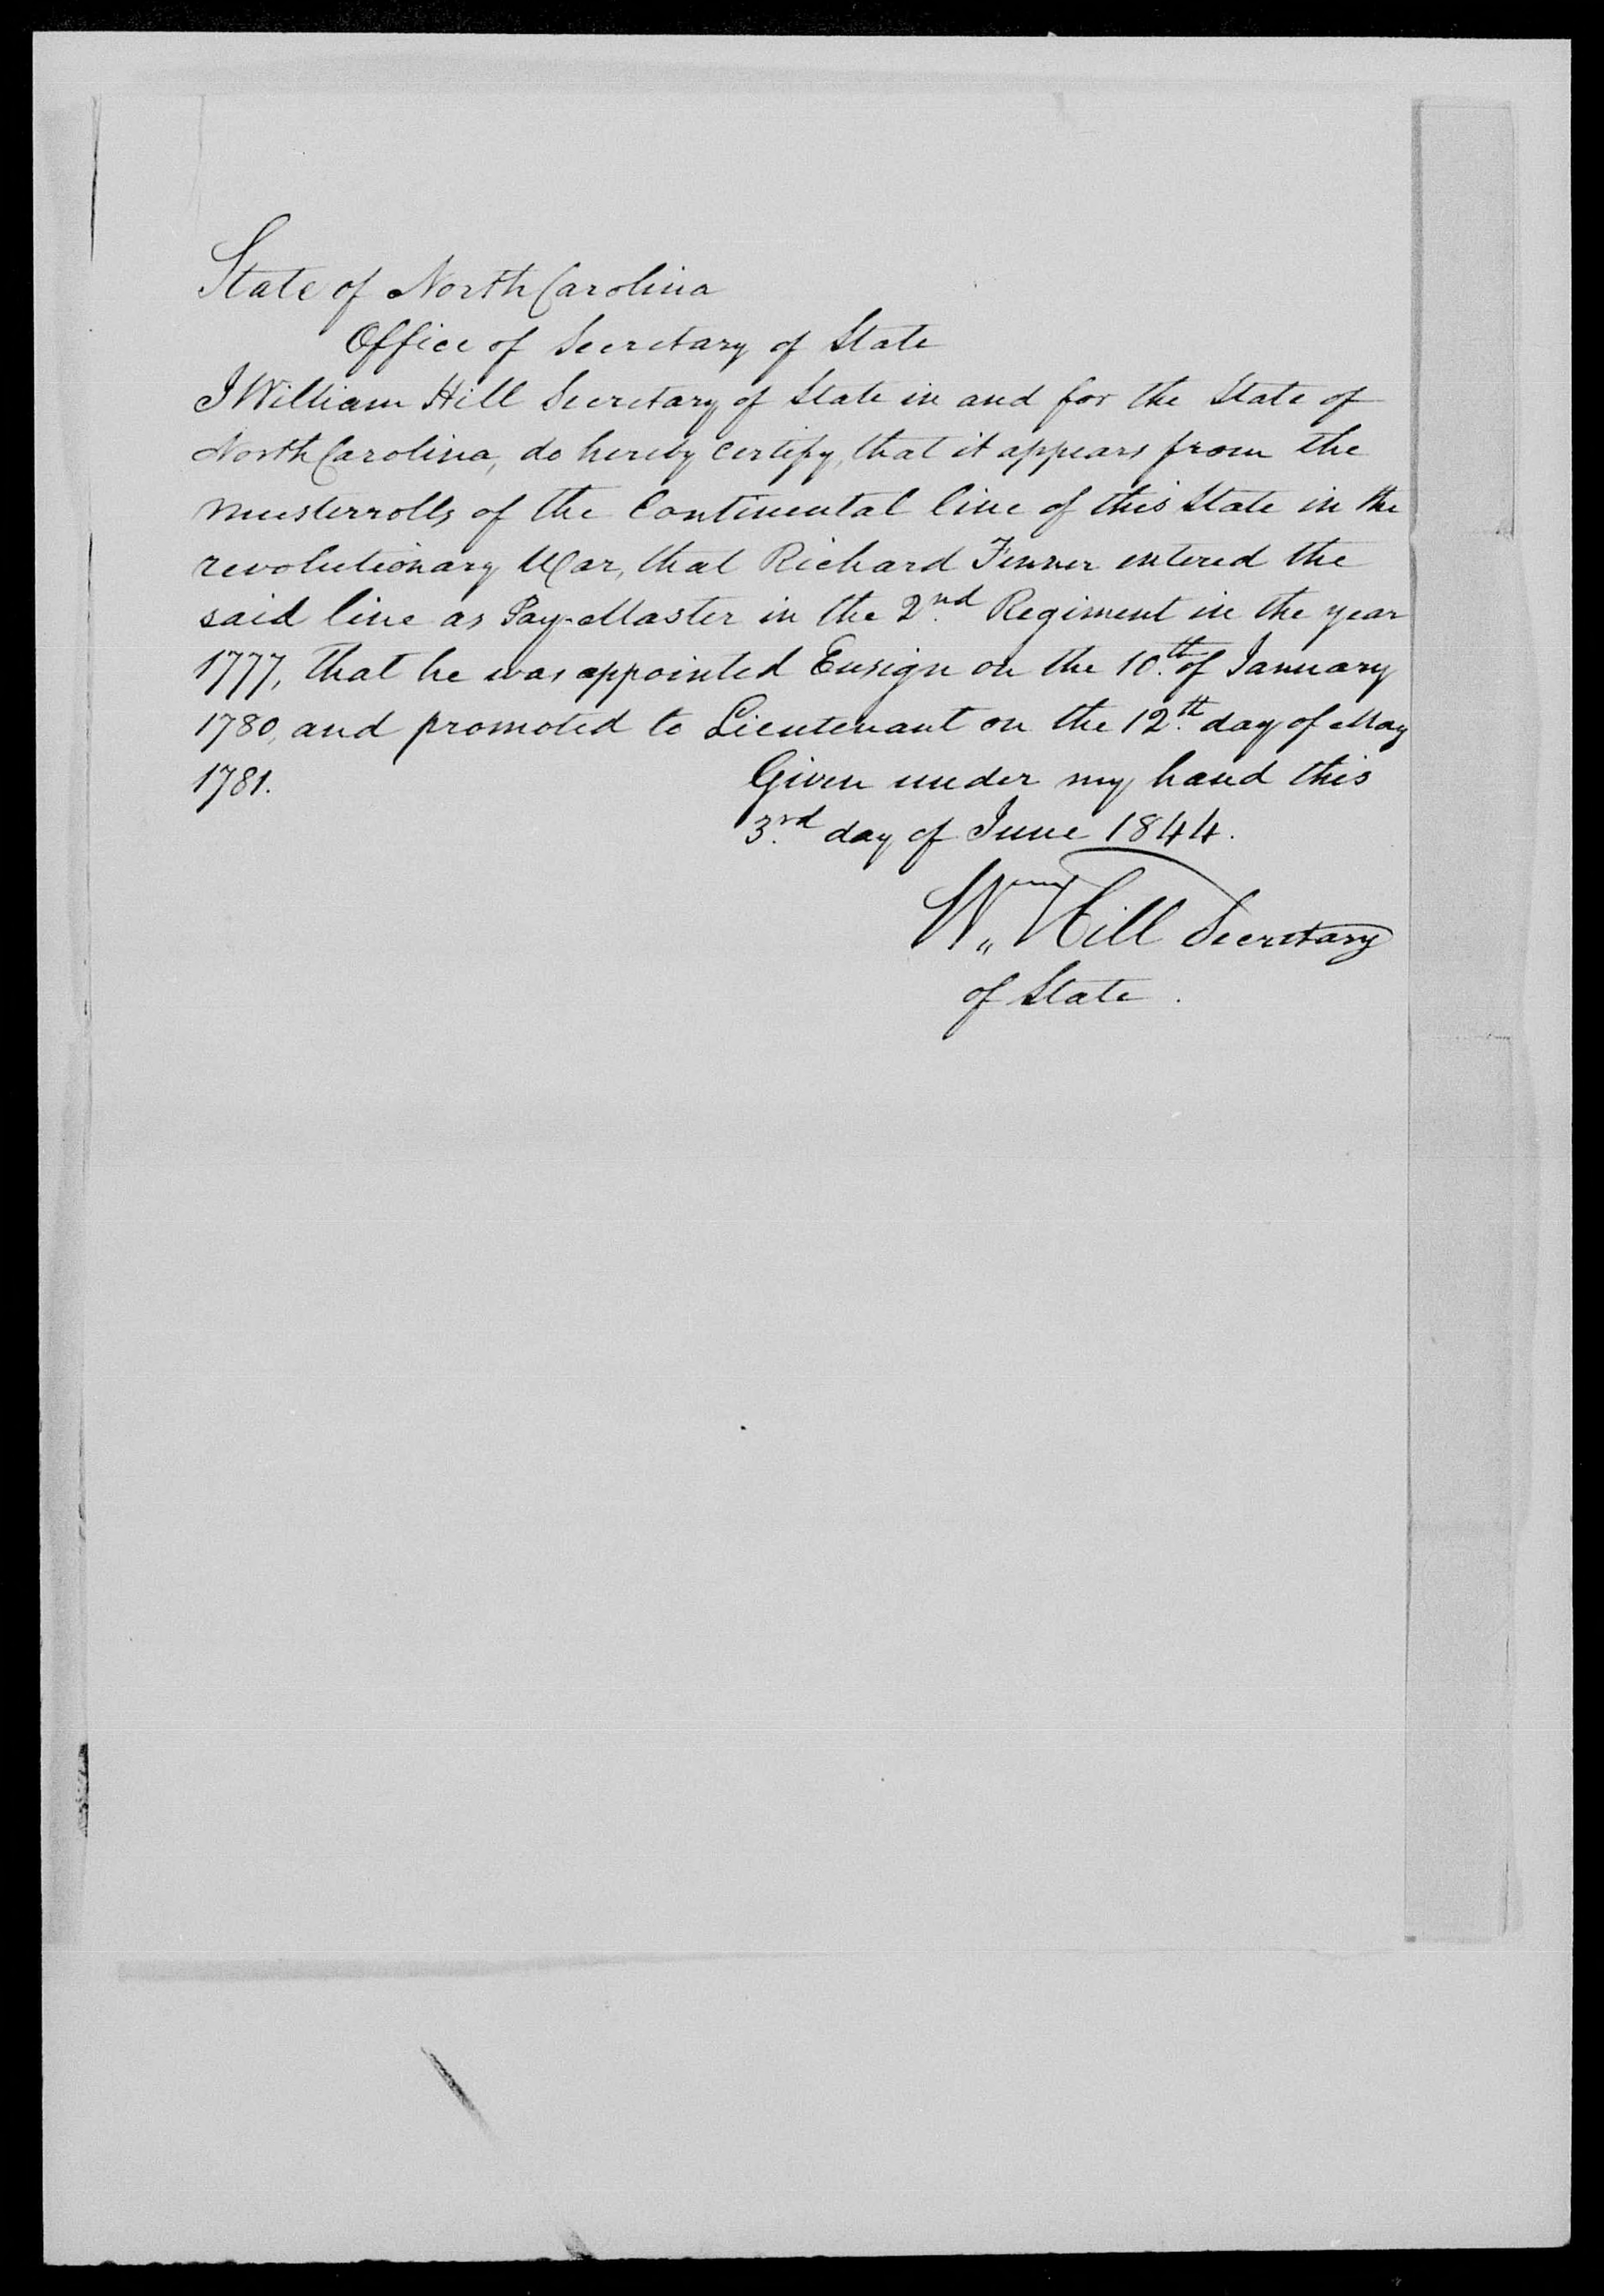State of North Carolina
Office of Secretary of State

I William Hill Secretary of State in and for the State of North Carolina, do hereby certify that it appears from the musterrolls of the Continental line of this State in the revolutionary war, that Richard Fenner entered the said line as Pay-Master in the 2nd Regiment in the year 1777, that he was appointed Ensign on the 10th of January 1780, and promoted to Lieutenant on the 12th day of May 1781.
Given under my hand this 3rd day of June 1844.

jWm Hill Secretary of State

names: Richard Fenner, Wm Hill, William Hill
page: 38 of 39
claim: widow's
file: W. 789, Richard Fenner, N.C.